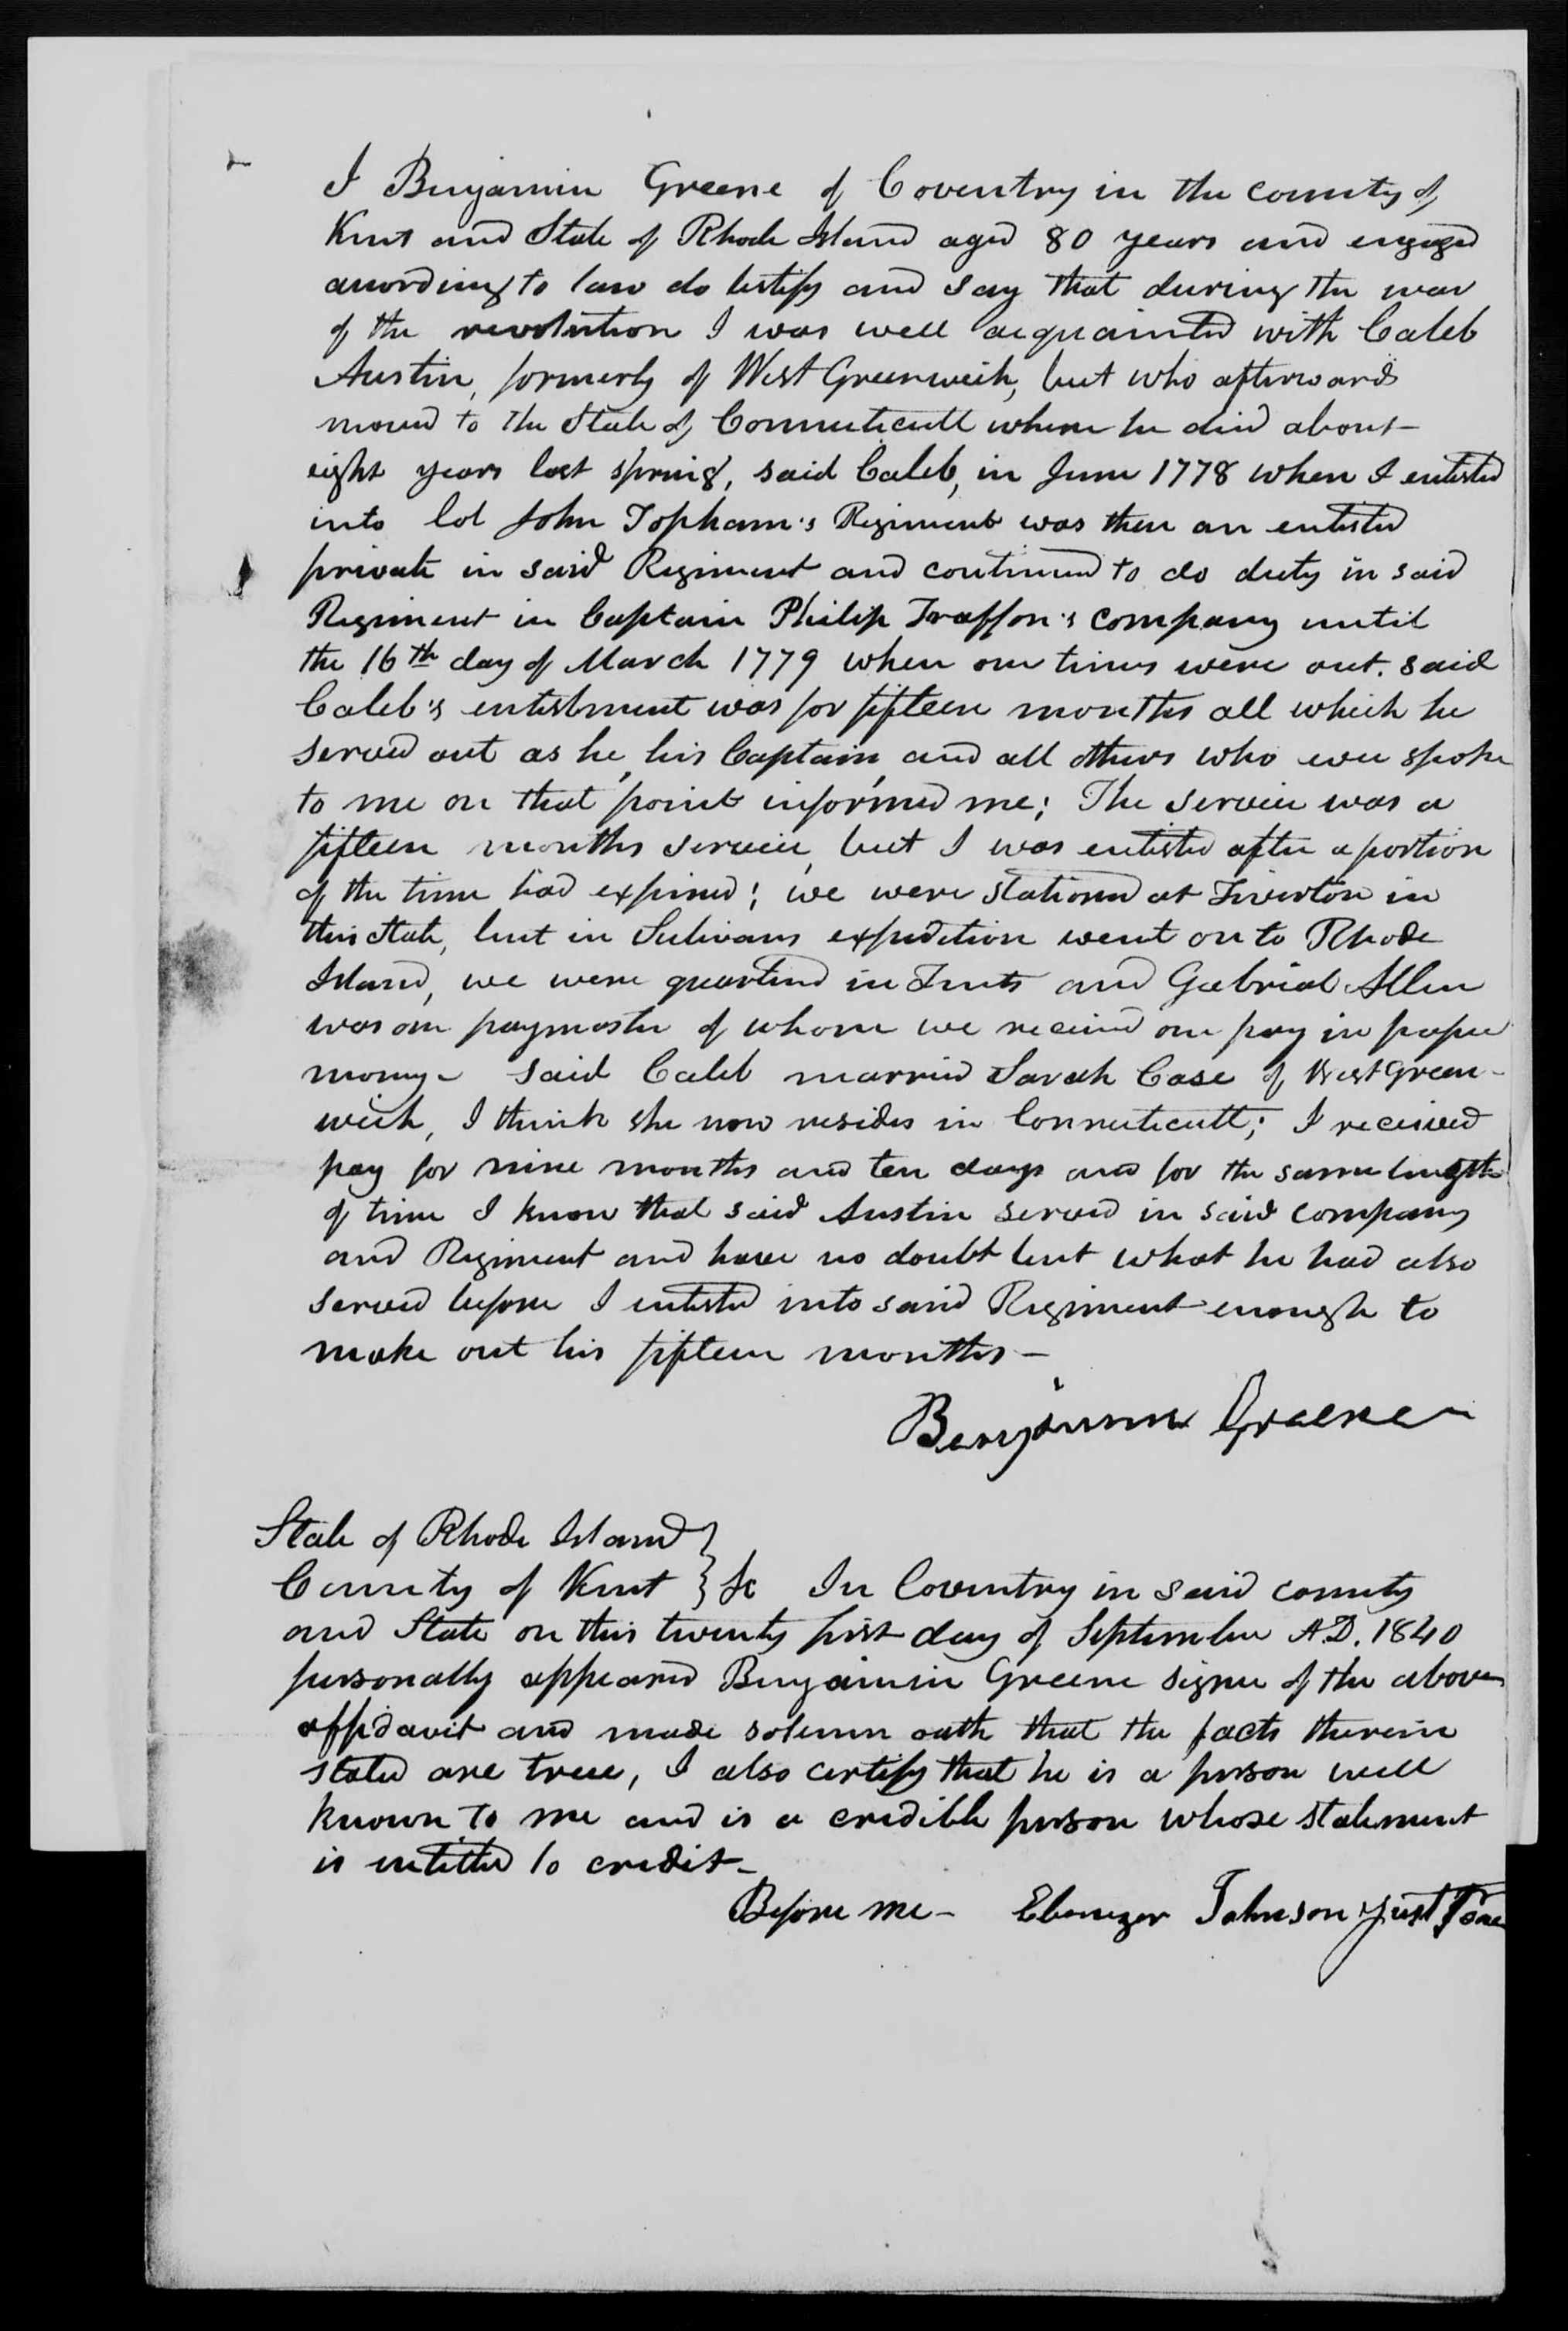I Benjamin Greene of Coventry in the county of
Kent and State of Rhode Island aged 80 years and engaged
according to law do testify and say that during the war
of the revolution I was well acquainted with Caleb
Austin, formerly of West Greenwich, but who afterwards
moved to the State of Connecticut where he died about
eight years last spring, said Caleb, in June 1778 when I enlisted
into Col John Topham's Regiment was then an enlisted
private in said Regiment and continued to do duty in said
Regiment in Captain Philip [illegible] company until
the 16th day of March 1779 when our times were out, said
Caleb's enlistment was for fifteen months all which he
served out as he, his captain and all others who ever spoke
to me on that point informed me; the service was a
fifteen months service but I was enlisted after a portion 
of the time had expired; we were stationed at Tiverton in
this state, but in Sullivans expedition went on to Rhode
Island, we were quartered in [illegible] and Gabriel Allen
was our paymaster of whom we received our pay in proper
money-said Caleb married Sarah Case of West Green-
wich, I think she now resides in Connecticutt; I received
pay for nine months anad ten days and for the same length
of time I know that said Austin served in said company
and Regiment and have no doubt but what he had also
served before I enlisted into said Regiment enough to
make out his fifteen months.
Benjamin Greene

State of Rhode island
County of Kent sc In Coventry in said county
and State on this twenty first day of September AD. 1840
personally appeared Benjamin Greene signer of the above
affidavit and made solemn oath that the facts therein
stated are true, I also certify that he is a person well
known to me and is a credible person whose statement
is entitled to credit.
Before me-Ebenezer Johnson Justice Peace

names: Sarah Case, Benjamin Greene, Benjamin Greene, Ebenezer Johnson, Caleb Austin, Gabrial Allen, Caleb, Benjamin Greene, Caleb, Austin, Caleb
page: 17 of 18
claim: widow's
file: W. 20640, Caleb Austin, R.I.